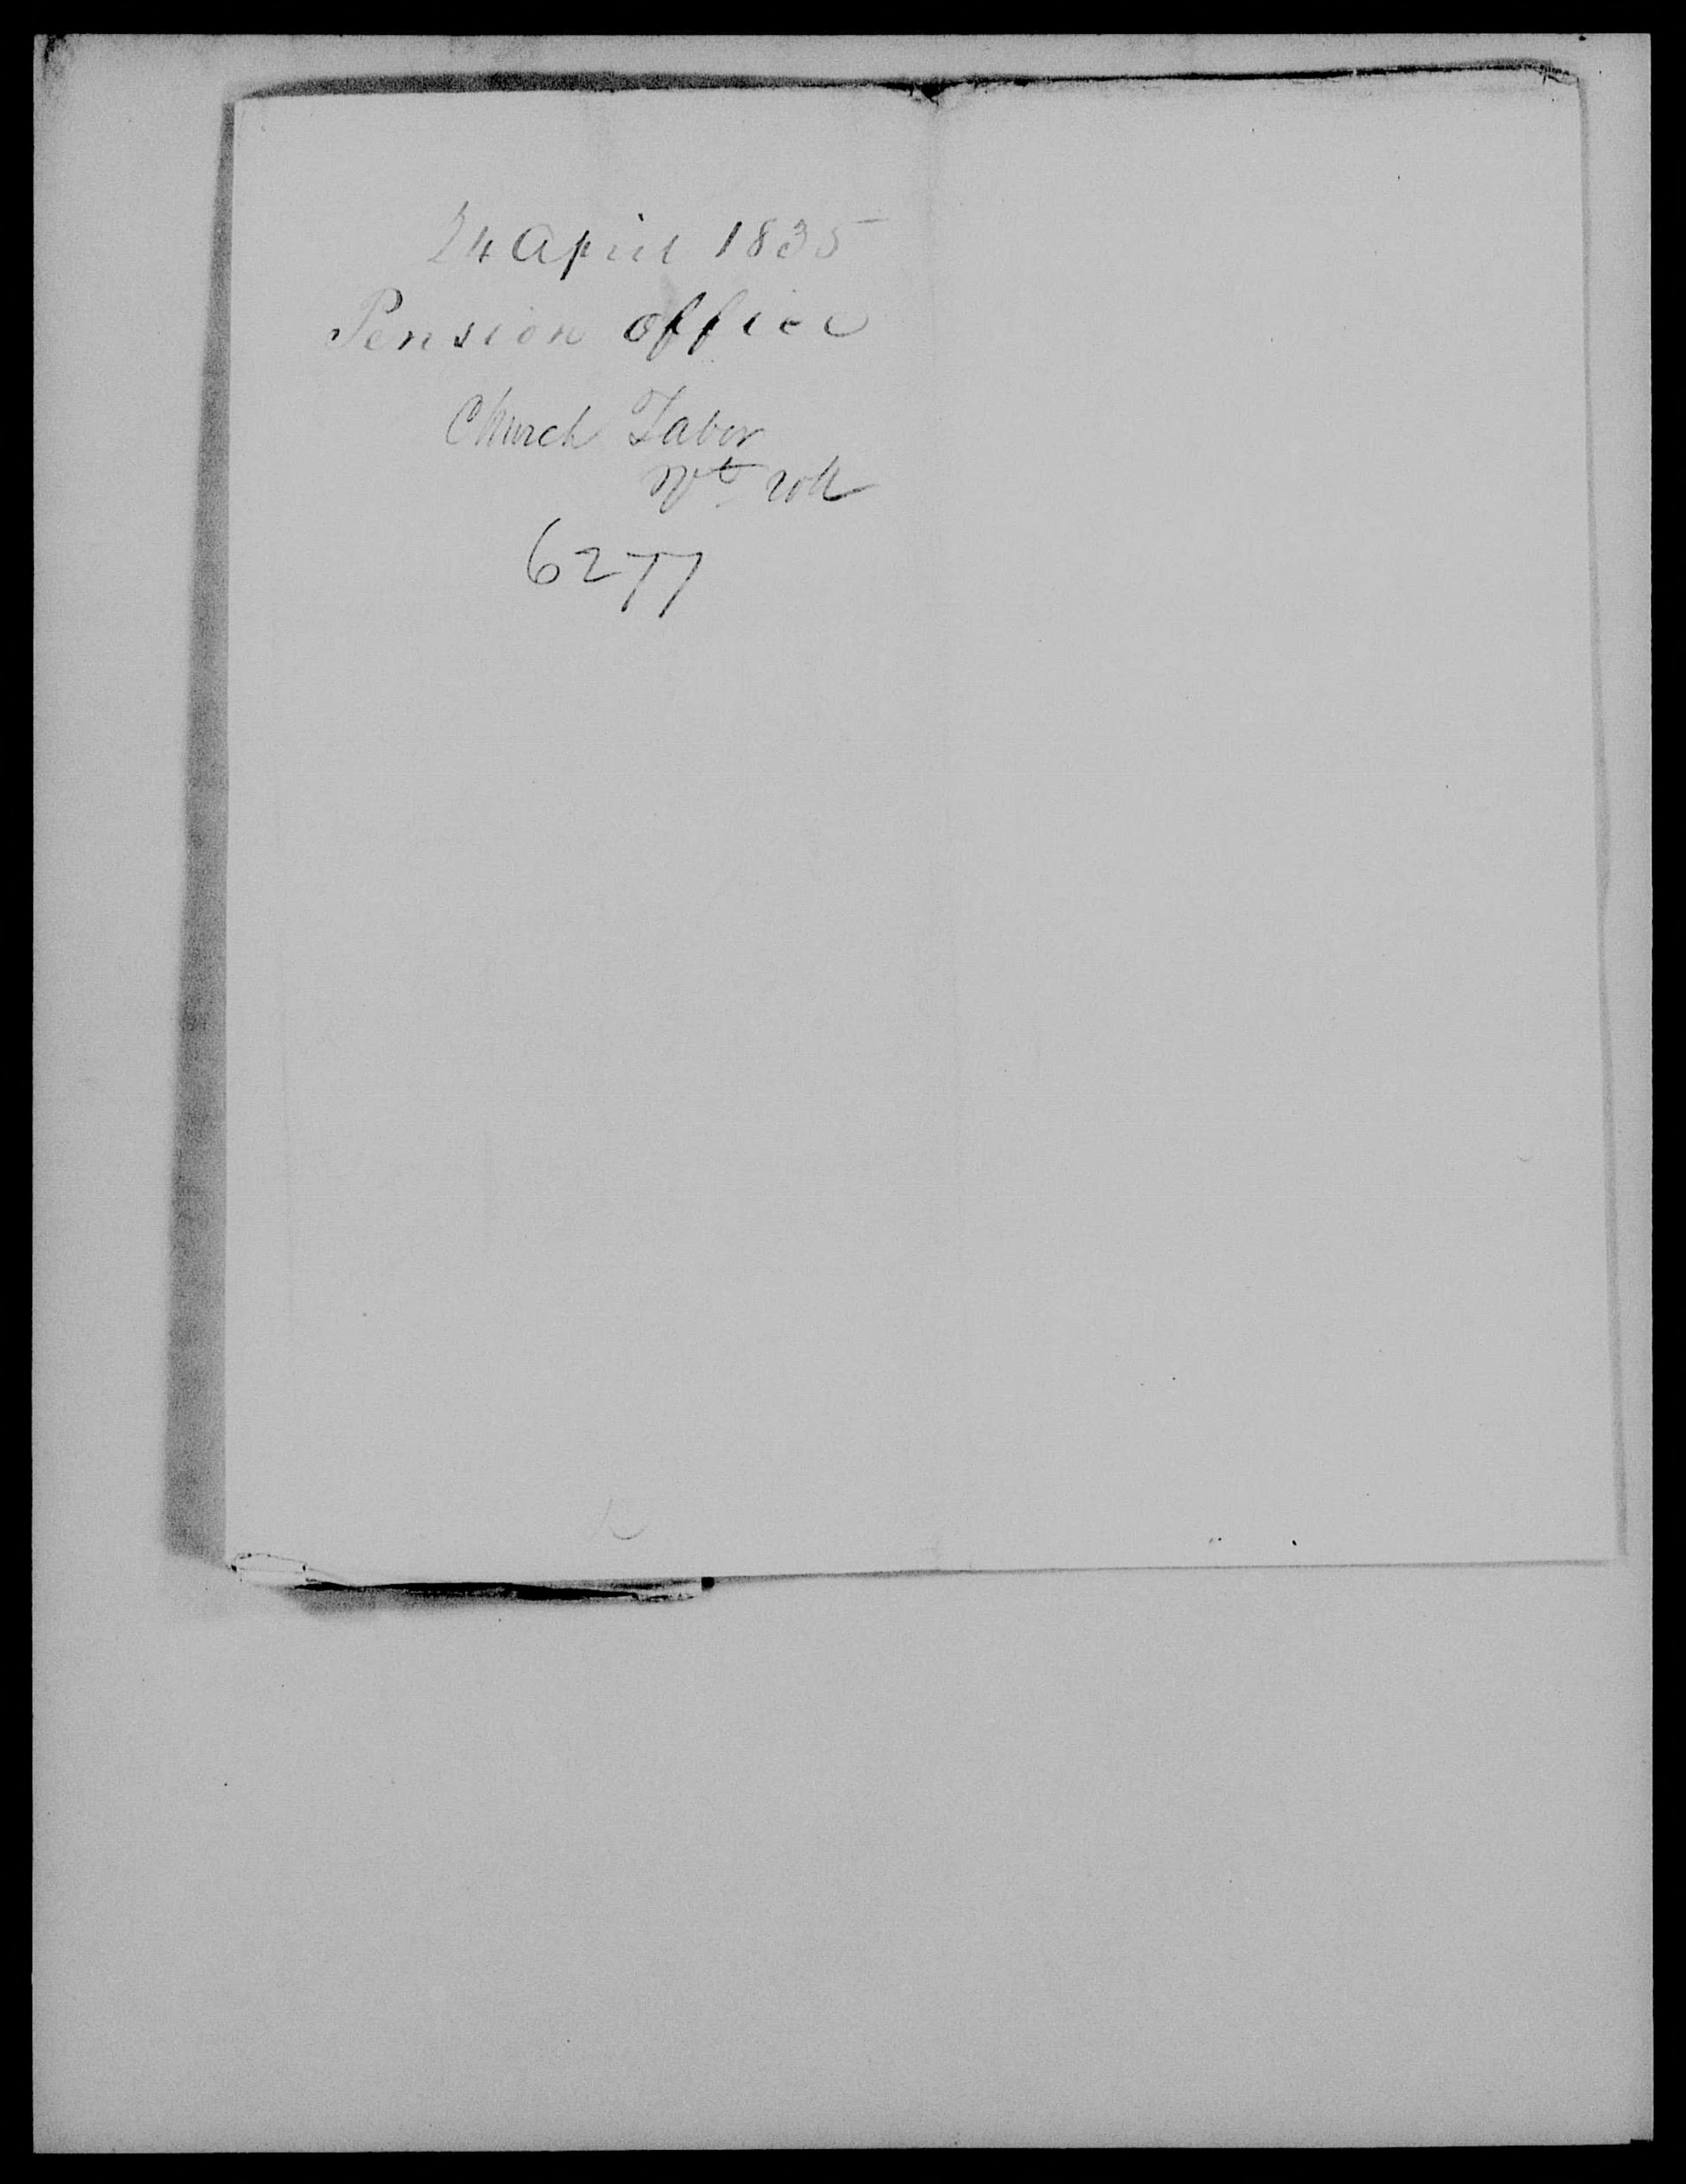24 April 1835
Pension office
church Tabor Vt. (illegible)
6277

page: 19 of 41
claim: widow's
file: W 26507, for Church Tabor, Massachusetts